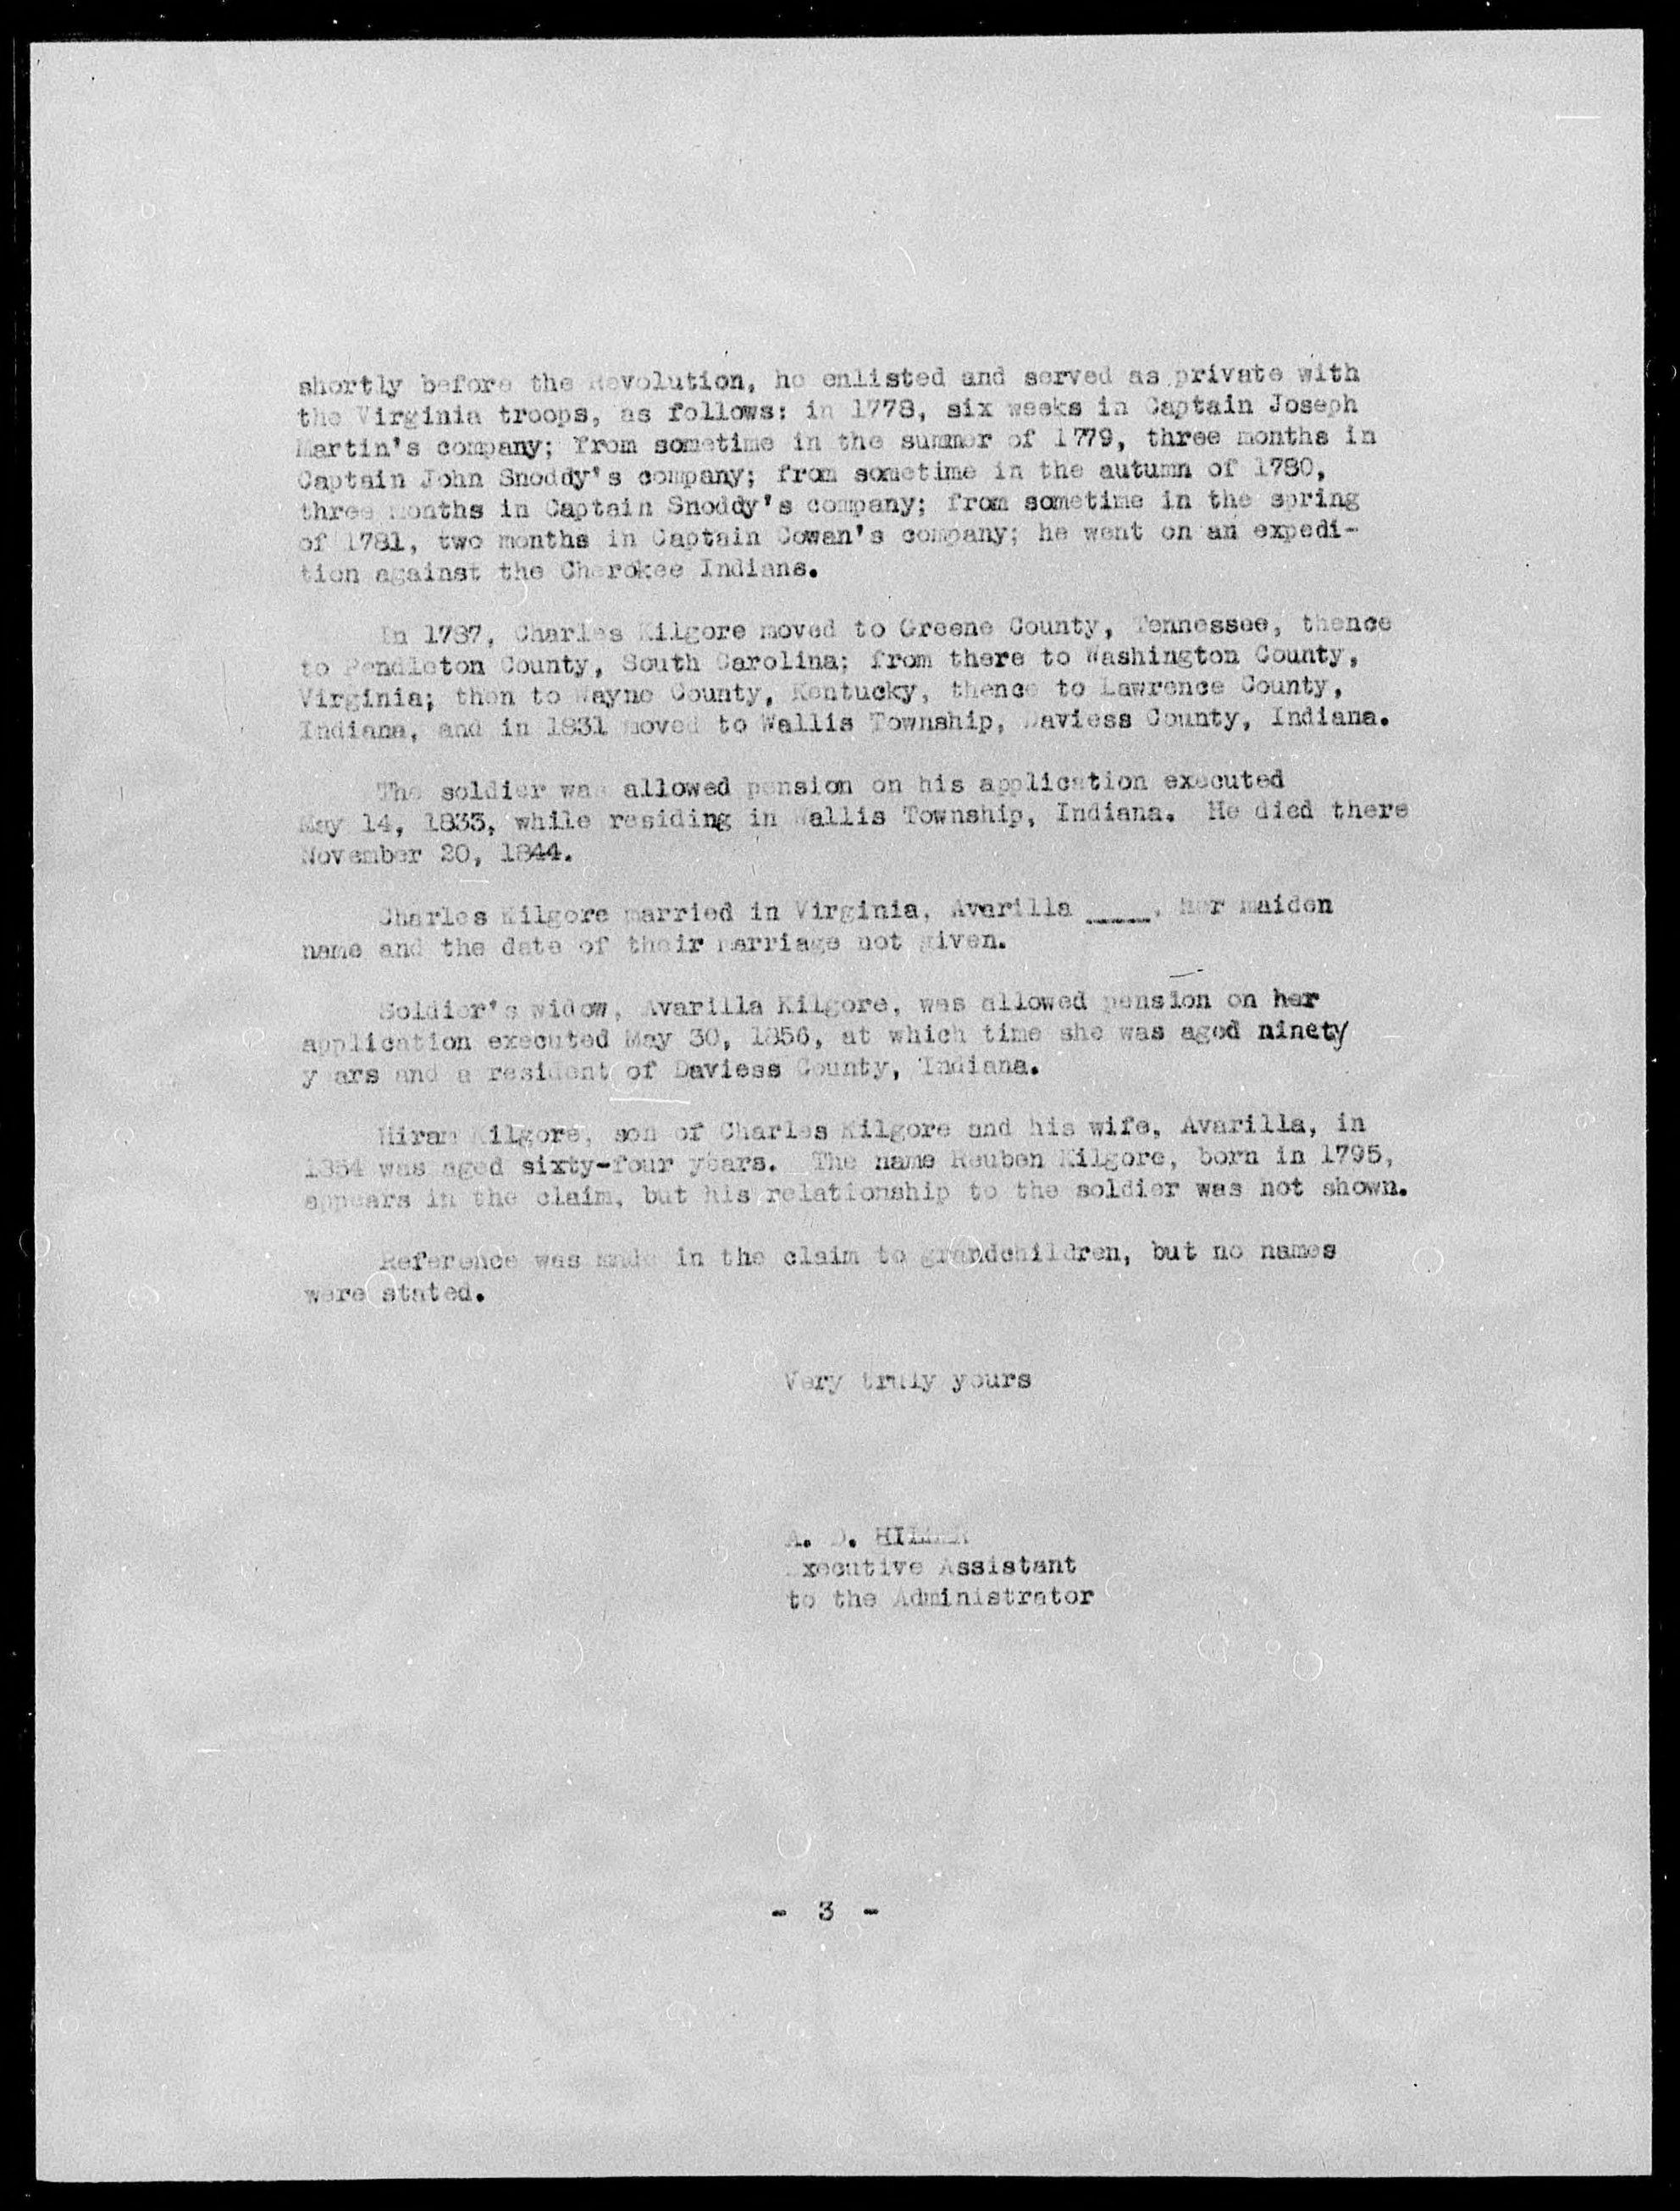shortly before the Revolution, he enlisted and served as private with the Virginia troops, as follows: in 1778, six weeks in Captain Joseph Martin's company; from sometime in the summer of 1779, three months in Captain John Snoddy's company; from sometime in the autumn of 1780, three months in Captain Snoddy's company; from sometime in the spring of 1781, two months in Captain Cowan's company; he went on an expedition against the Cherokee Indians.
In 1787, Charles Kilgore moved to Greene County, Tennessee, thence to Pendleton County, South Carolina; from there to Washington County, Virginia; then to Wayne County, Kentucky, thence to Lawrence County, Indiana, and in 1831 moved to Wallis Township, Daviess County, Indiana.
The soldier was allowed pension on his application executed May 14, 1833, while residing in Wallis Township, Indiana. He died there November 20, 1844.
Charles Kilgore married in Virginia, Avarilla ___, her maiden name and the date of their marriage not given.
Soldier's widow, Avarilla Kilgore, was allowed pension on her application executed May 30, 1856, at which time she was aged ninety years and a resident of Daviess County, Indiana.
Hiram Kilgore, son of Charles Kilgore and his wife, Avarilla, in 1854 was aged sixty-four years. The name Reuben Kilgore, born in 1795, appears in the claim, but his relationship to the soldier was not shown.
Reference was made in the claim to grandchildren, but no names were stated.

Very truly yours
A. D. HILLER
executive Assistant
to the Administrator

- 3 -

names: Charles Kilgore; A D Hiller; Avarilla Kilgore; Reuben Kilgore; Hiram Kilgore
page: 40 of 115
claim: survivor's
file: S. 699, for Charles Kilgore, Virginia